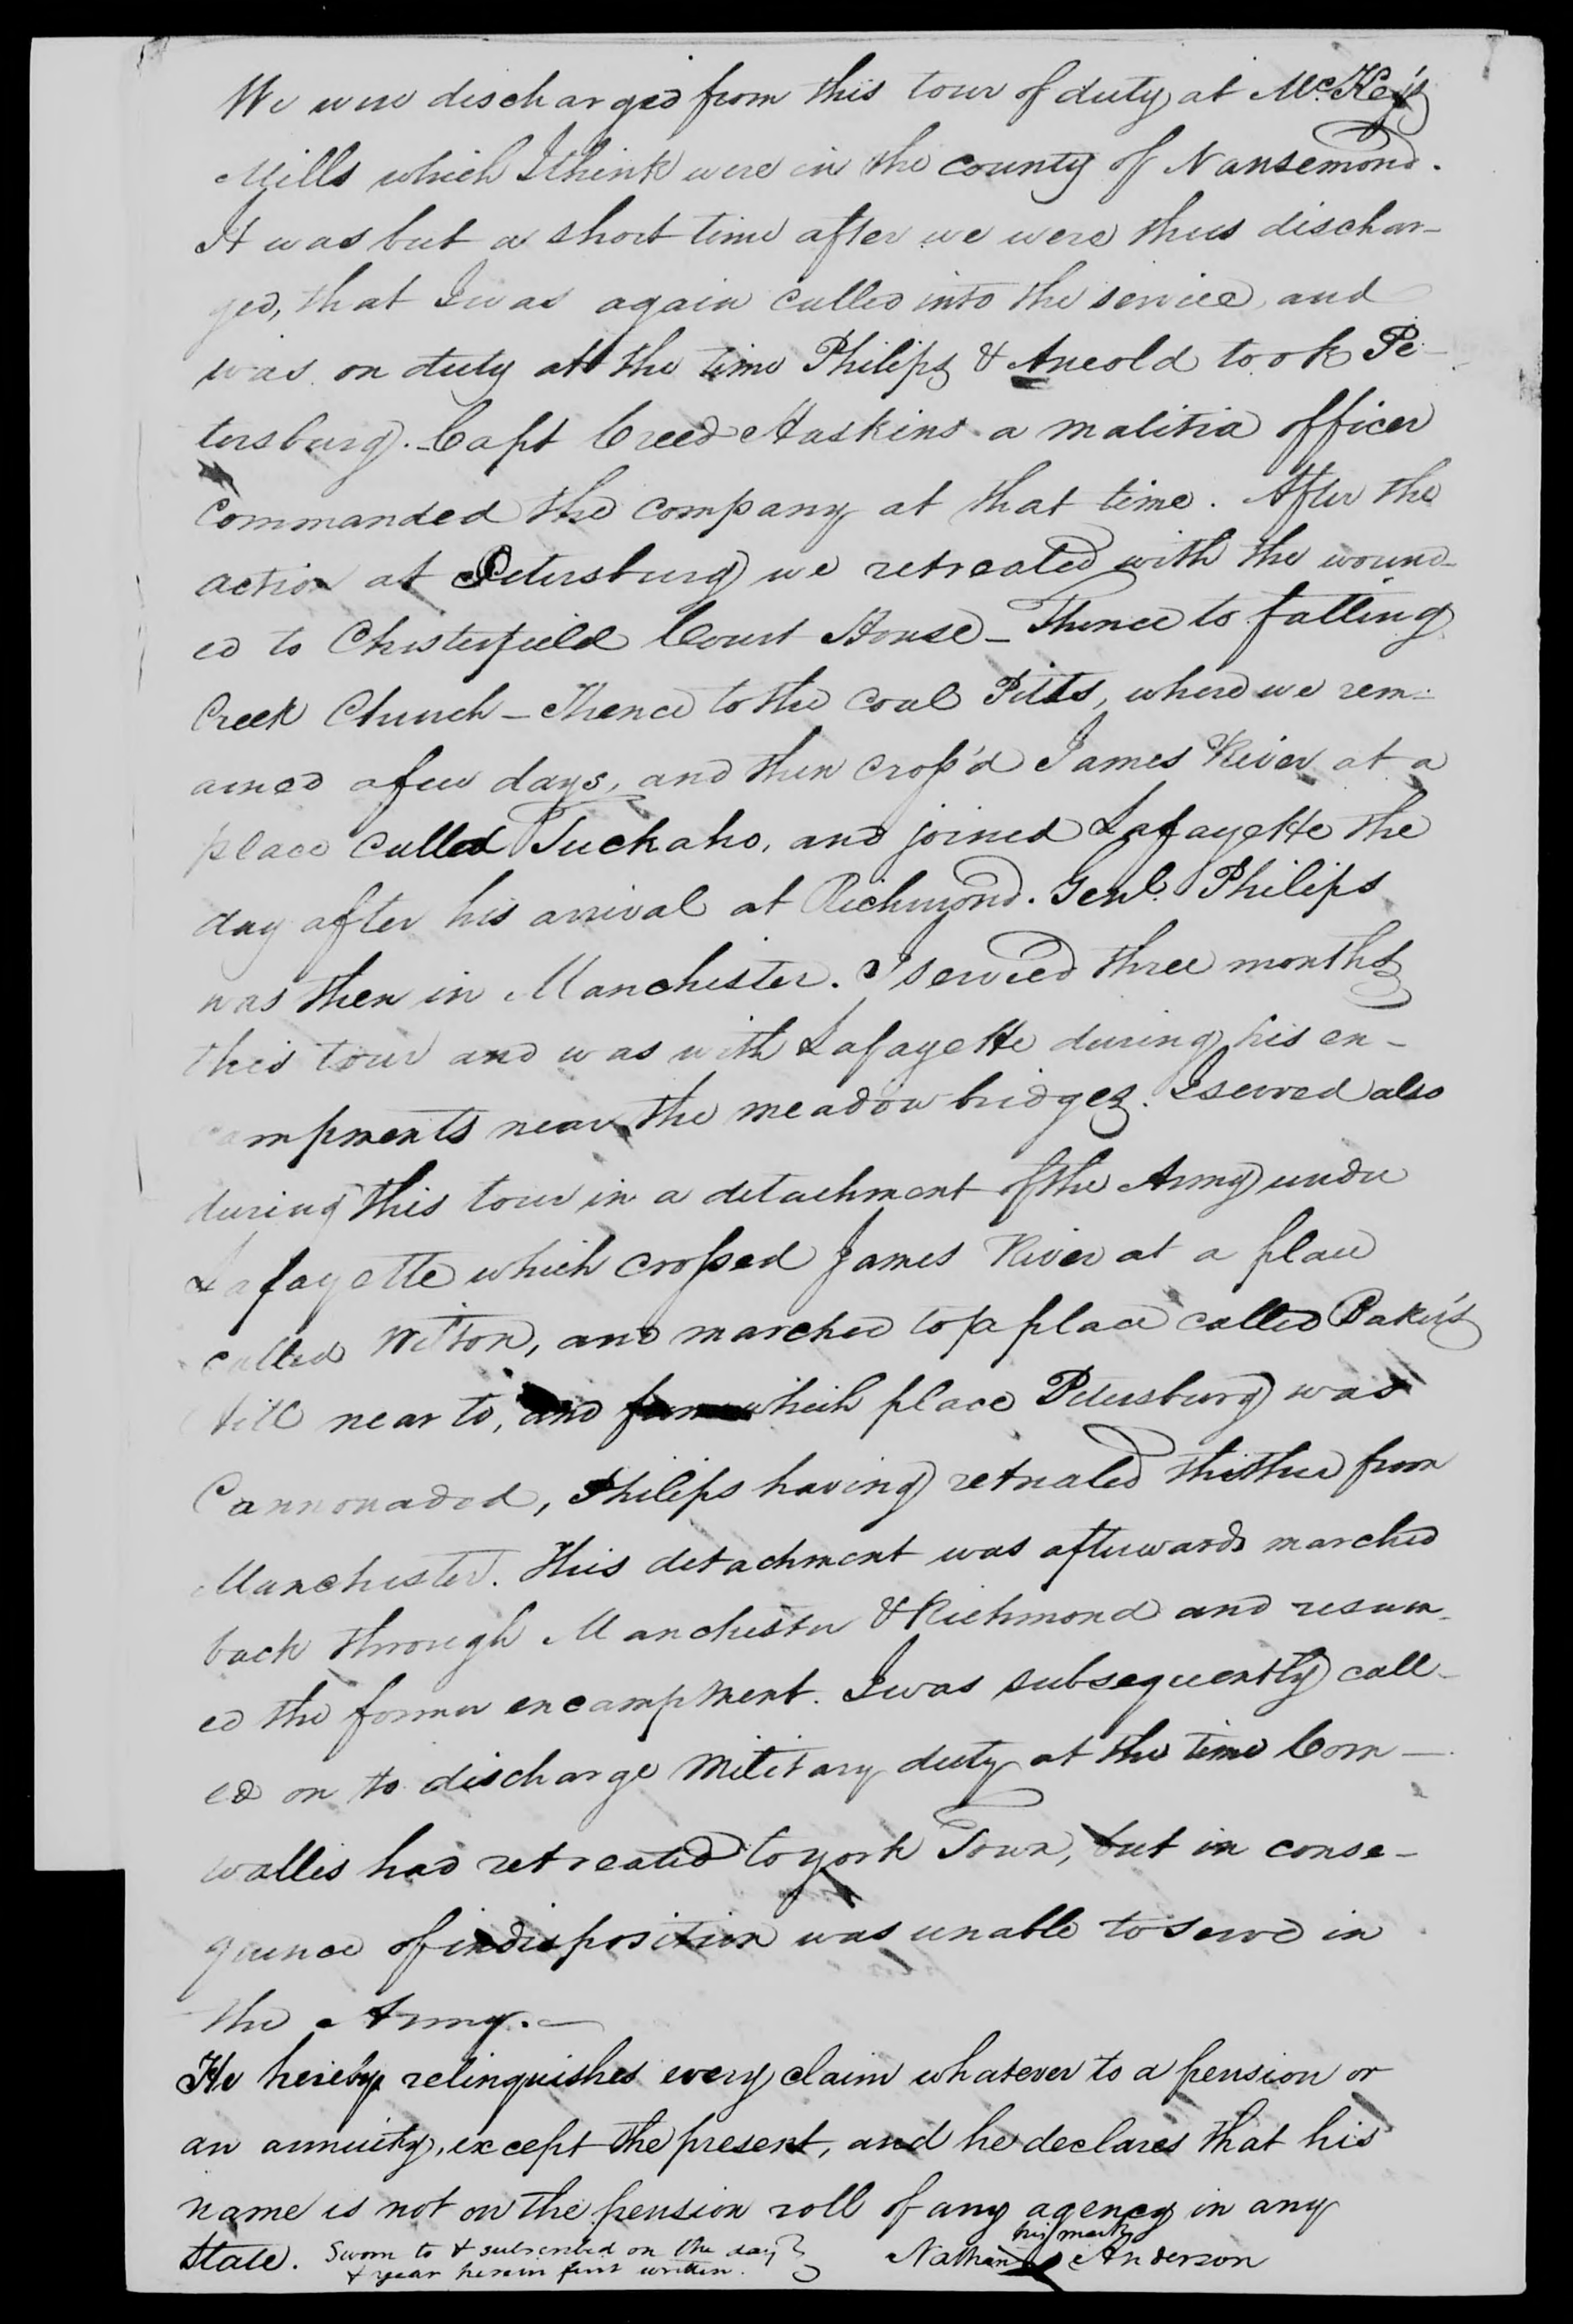We were discharged from this tour of duty at McKey's Mills which I think were in the county of Nansemond. It was but a short time after we were thus discharged, that I was again called into the service and was on duty at the time Philips & Arnold took Petersburg._  Capt Creed Haskins a malitia officer commanded the company at that time. After the action at Petersburg we retreated with the wounded to Chesterfield Court House_  Thence to falling Creek Church_  Thence to the coal pitts, where we remained a few days, and then cross'd James River at a place called Tuckaho, and joined Lafayette the day after his arrival at Richmond. Genl. Philips was then in Manchester. I served three months this tour and was with Lafayette during his encampments near the meadow bridges. I served also during this tour in a detachment of the Army under Lafayette which crossed James River at a place called Wilton, and marched to a place called Baker's Hill near to, and from which place Petersburg was Cannonaded, Philips having retreated thither from Manchester. This detachment was afterwards marched back through Manchester & Richmond and resumed the former encampment. I was subsequently called on to discharge Military duty at the time Cornwallis had retreated to york Town, but in consequence of indisposition was unable to serve in the Army._
He hereby relinquishes every claim whatever to a pension or an annuity, except the present, and he declares that his name is not on the pension roll of any agency in any State. 
Nathan Anderson x his mark
Sworn to & subscribed on the day & year herein first written.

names: Nathan Anderson, Philips, Ancold, Philips, Mc Keys Mills, Philips, Creed Haskins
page: 5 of 43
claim: widow's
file: W. 5,626, Nathan Anderson, Va.